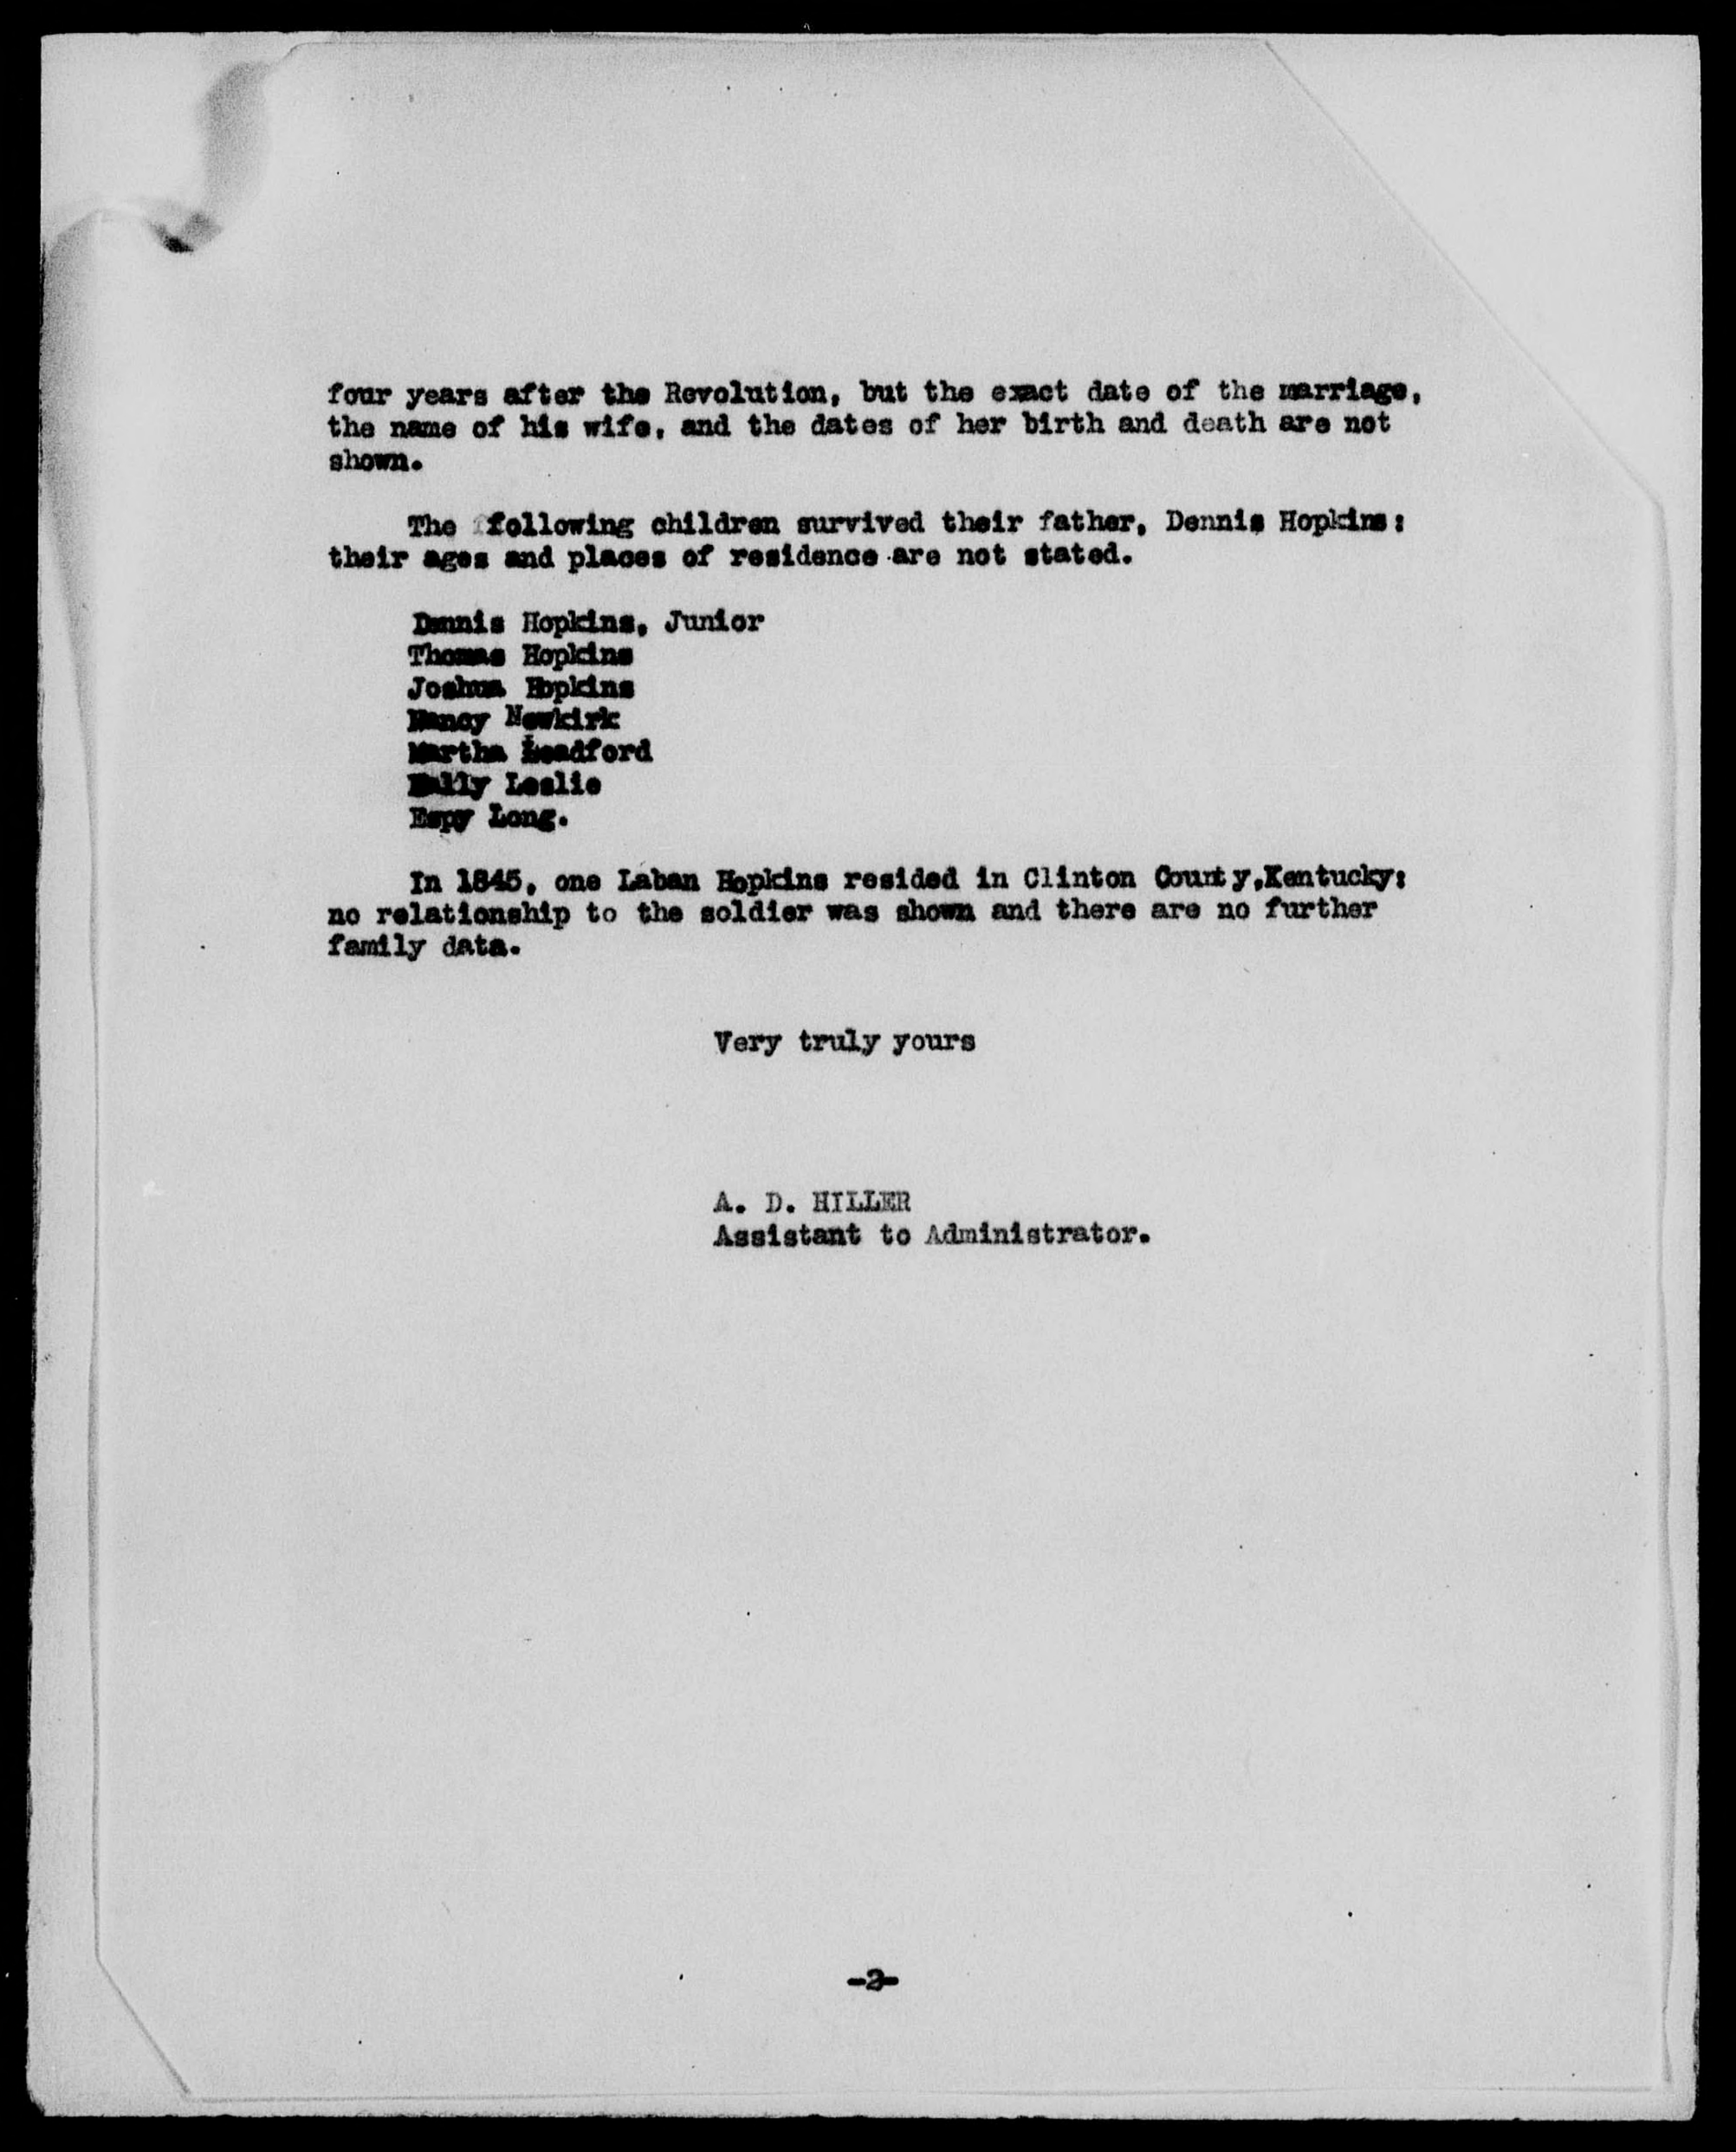four years after the Revolution, but the exact date of the marriage,
the name of his wife, and the dates of her birth and death are not
shown.

The following children survived their father, Dennis Hopkins.
their ages and places of residence are not stated.

Dennis Hopkins, Junior
Thomas Hopkins
Joshua Hopkins
Many Newkirk
Martha Bradford
Emily Leslie
May Long.

In 1845, one Laban Hopkins resided in Clinton County, Kentucky:
no relationship to the soldier was shown and there are no further
family data.

Very truly yours
A. D. HILLER
Assistant to Administrator.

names: Joshua Hopkins, Thomas Hopkins, A D Hiller, Laban Hopkins, Dennis Hopkins, Martha Leadford, Espy Long, Sally Leslie, Nancy Newkirk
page: 61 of 144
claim: rejected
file: R. 5208, Dennis Hopkins, N.C.